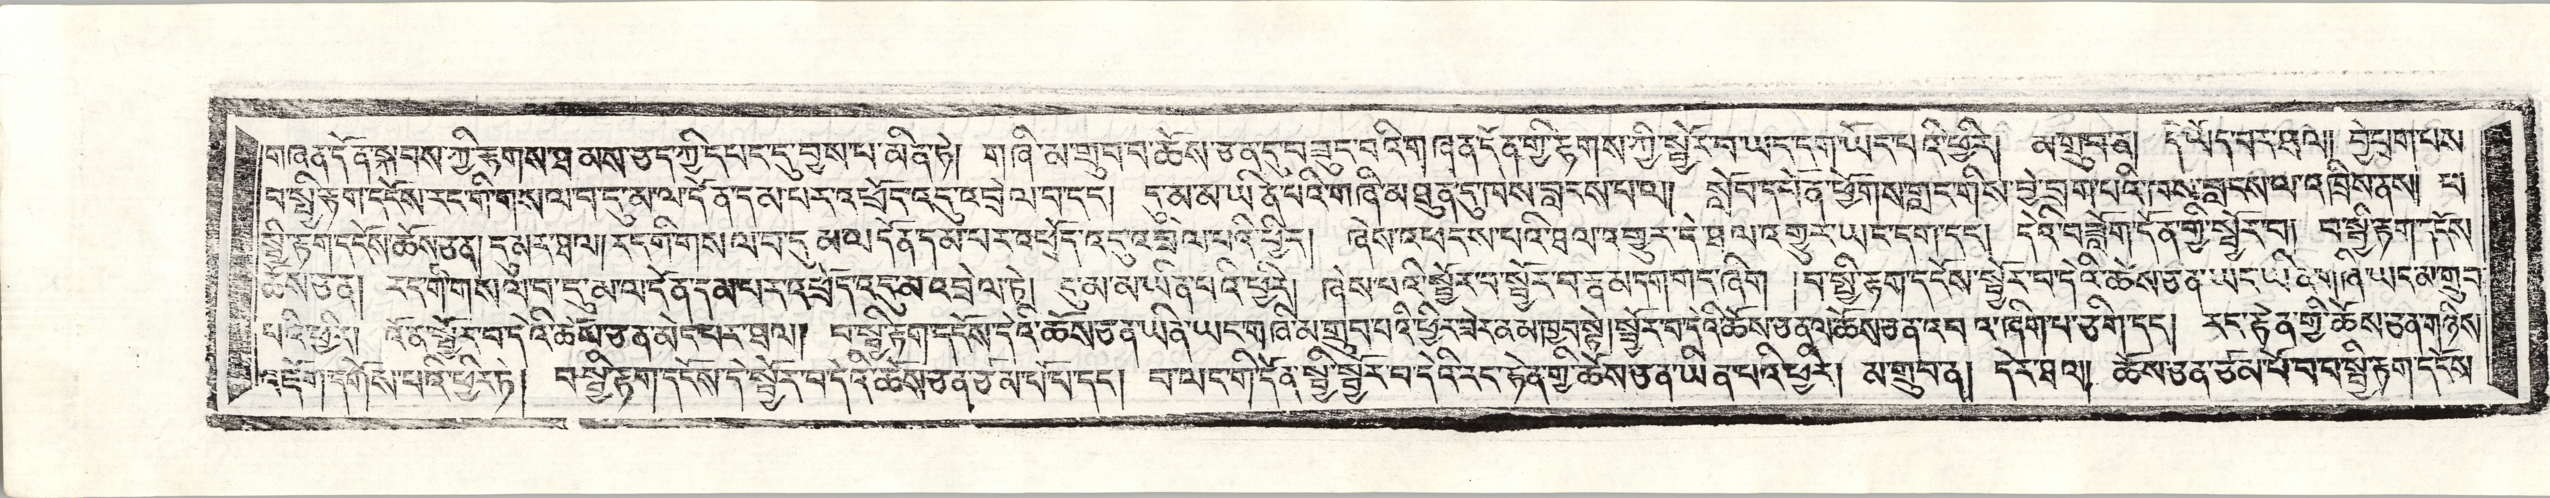གཞན་དོན་སྐབས་ཀྱི་རྟགས་ཐམས་ཅད་ཀྱི་དབང་དུ་བྱས་པ་མིན་ཏེ། གཞི་མ་གྲུབ་པ་ཆོས་ཅན་དུ་བཟུང་བའི་གཞན་དོན་གྱི་རྟགས་ཀྱི་སྦྱོར་བ་ཡང་དག་ཡོད་པའི་ཕྱིར། མ་གྲུབ་ན། དེ་ཡོད་བར་ཐལ། བྱེ་བྲག་པས་
བ་སྤྱི་རྟག་དངོས་རང་གི་གསལ་བ་དུ་མ་ལ་དོན་དམ་པར་འཕྲོད་འདུ་འབྲེལ་བ་དང་། དུ་མ་མ་ཡིན་པའི་གཞི་མཐུན་དུ་ཁས་བླངས་པ་ལ། སློབ་དཔོན་ཕྱོགས་གླང་གིས་བྱེ་བྲག་པའི་ཁས་བླངས་ལ་འཁྲིས་ནས། བ་
སྤྱི་རྟག་དངོས་ཆོས་ཅན། དུ་མར་ཐལ། རང་གི་གསལ་བ་དུ་མ་ལ་དོན་དམ་པར་འཕྲོད་འདུ་འབྲེལ་པའི་ཕྱིར། ཞེས་འཕངས་པའི་ཐལ་འགྱུར་དེ་ཐལ་འགྱུར་ཡང་དག་དང་། དེའི་བཟློག་དོན་གྱི་སྦྱོར་བ། བ་སྤྱི་རྟག་དངོས་
ཆོས་ཅན། རང་གི་གསལ་བ་དུ་མ་ལ་དོན་དམ་པར་འཕྲོད་འདུ་མ་འབྲེལ་ཏེ། དུ་མ་མ་ཡིན་པའི་ཕྱིར། ཞེས་པའི་སྦྱོར་བ་སྦྱོར་བ་རྣམ་དག་གང་ཞིག །བ་སྤྱི་རྟག་དངོས་སྦྱོར་བ་དེའི་ཆོས་ཅན་ཡང་ཡིན་གཞི་ཡང་མ་གྲུབ་
པའི་ཕྱིར། འོ་ན་སྦྱོར་བ་དེའི་ཆོས་ཅན་མེད་པར་ཐལ། བ་སྤྱི་རྟག་དངོས་དེའི་ཆོས་ཅན་ཡིན་ཡང་གཞི་མ་གྲུབ་པའི་ཕྱིར་ཟེར་ན་མ་ཁྱབ་སྟེ། སྦྱོར་བ་དེའི་ཆོས་ཅན་ལ་ཆོས་ཅན་འབའ་ཞིག་པ་ཞིག་དང་། རང་རྟེན་གྱི་ཆོས་ཅན་གཉིས་
འཇོག་དགོས་པའི་ཕྱིར་ཏེ། བ་སྤྱི་རྟག་དངོས་དེ་སྦྱོར་བ་དེའི་ཆོས་ཅན་ཙམ་པོ་བ་དང་། བ་ལང་གི་དོན་སྤྱི་སྦྱོར་བ་དེའི་རང་རྟེན་གྱི་ཆོས་ཅན་ཡིན་པའི་ཕྱིར། མ་གྲུབ་ན། དེར་ཐལ། ཆོས་ཅན་ཙམ་པོ་བ་བ་སྤྱི་རྟག་དངོས་